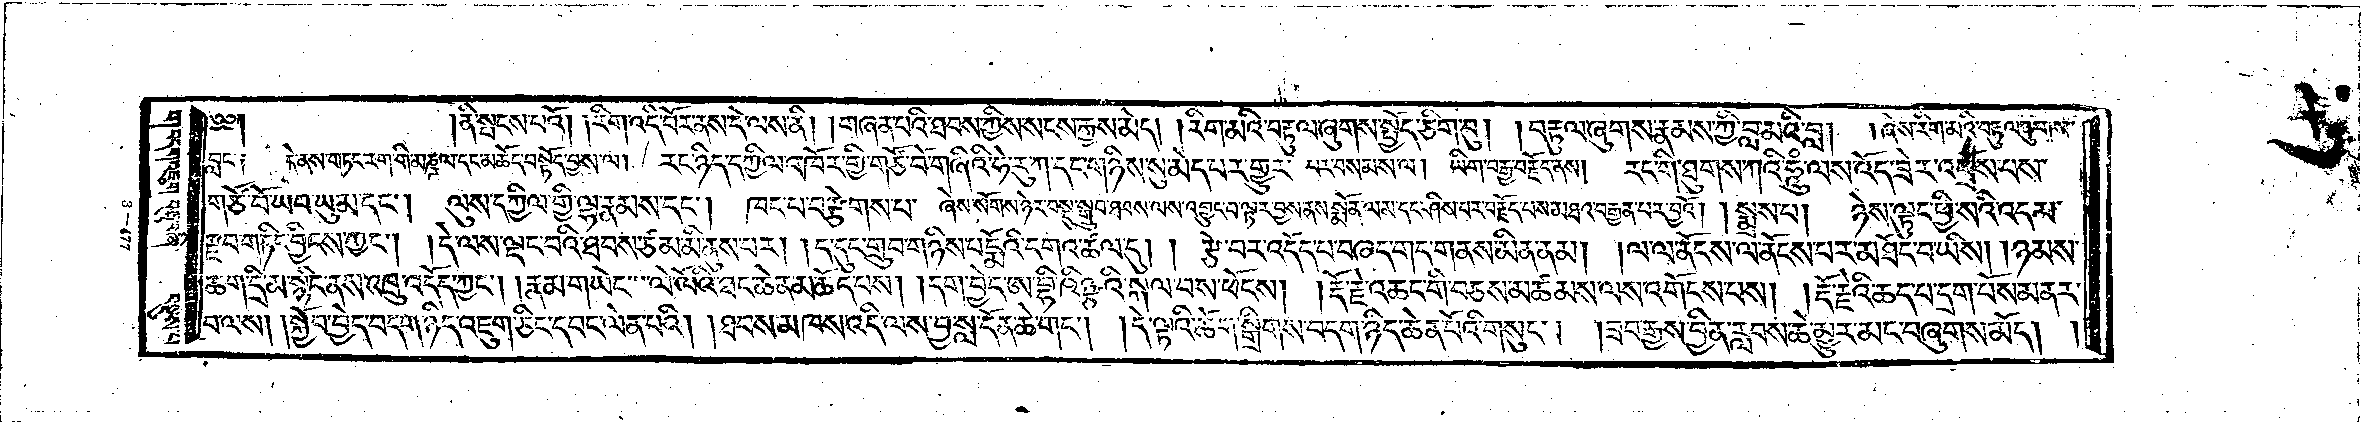༄༅། །ནི་སྤངས་པའོ། །རིག་འདི་བོར་ནས་དེ་ལས་ནི། །གཞན་པའི་ཐབས་ཀྱིས་སངས་རྒྱས་མེད། །རིག་མའི་བརྟུལ་ཞུགས་སྤྱོད་ཅིག་བུ། །བརྟུལ་ཞུགས་རྣམས་ཀྱི་བླ་མའི་བླ། །ཞེས་རིག་མའི་བརྟུལ་ཞུགས་
བླང༑ དེ་ནས་བཏང་རག་གི་མཎྜལ་དང་མཆོད་བསྟོད་བྱས་ལ། རང་ཉིད་དཀྱིལ་འཁོར་གྱི་གཙོ་བོ་གཞིའི་ཧེ་རུ་ཀ་དང་གཉིས་སུ་མེད་པར་གྱུར་པར་བསམས་ལ། ཡིག་བརྒྱ་བརྗོད་ནས།  རང་གི་ཐུགས་ཀའི་ཧཱུཾ་ལས་འོད་ཟེར་འཕྲོས་པས་
གཙོ་བོ་ཡབ་ཡུམ་དང་། ལུས་དཀྱིལ་གྱི་ལྷ་རྣམས་དང་། ཁང་པ་བརྩེགས་པ་ཞེས་སོགས་ཉེར་བསྡུ་སྒྲུབ་ཐབས་ལས་འབྱུང་བ་ལྟར་བྱས་ནས་སྨོན་ལམ་དང་ཤིས་པར་བརྗོད་པས་མཐའ་བརྒྱན་པར་བྱའོ།  །སྨྲས་པ། ཉེས་ལྟུང་ཕྱི་སའི་འདམ་
རྫབ་གཏིང་བྱིངས་ཀྱང་། །དེ་ལས་ལྡང་བའི་ཐབས་ཙམ་མི་ནུས་པར། །ད་དུང་གྲུབ་གཉིས་པདམོའི་དགའ་ཚལ་དུ། །རྩེ་བར་འདོད་པ་བཞད་གད་གནས་མིན་ནམ། །ལ་ལ་ནོངས་ལ་ནོངས་པར་མཐོང་བ་ཡིས། །ཉམས་
ཆག་དྲི་མ་སྙིང་ནས་འཁྲུ་འདོད་ཀྱང་། །རྣམ་གཡེང་ལེ་ལོའི་ཐང་ཆེན་མཆོད་པས། །དག་བྱེད་ཨ་བྷི་ཥིཉྩའི་སྐལ་བས་ཕོངས། །རྡོ་རྗེ་འཆང་གི་བཅས་མཚམས་ལས་འགོངས་པས། །རྡོ་རྗེའི་ཆད་པོས་མནར་
བ་ལས། །སྐྱོབ་བྱེད་བདག་ཉིད་འཇུག་ཅིང་དབང་ལེན་པའི། །ཐབས་མཁས་འདི་ལས་བྱ་སླ་དོན་ཆེ་གང་། །དེ་ལྟའི་ཆོག་སྒྲིགས་བདག་ཉིད་ཆེན་པོའི་གསུང་། །ཟབ་རྒྱས་བྱིན་རླབས་ཆེ་མྱུར་མང་བཞུགས་མོད། །